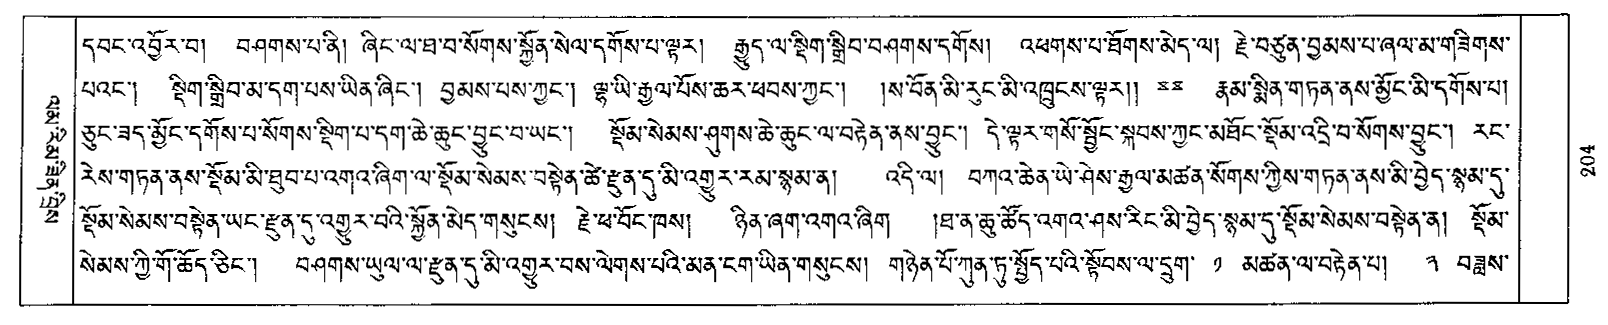དབང་འབྱོར་བ། བཤགས་པ་ནི། ཞིང་ལ་ཐ་བ་སོགས་སྐྱོན་སེལ་དགོས་པ་ལྟར། རྒྱུད་ལ་སྡིག་སྒྲིབ་བཤགས་དགོས། འཕགས་པ་ཐོགས་མེད་ལ། རྗེ་བཙུན་བྱམས་པ་ཞལ་མ་གཟིགས་
པའང་། སྡིག་སྒྲིབ་མ་དག་པས་ཡིན་ཞིང་། བྱམས་པས་ཀྱང་། ལྷ་ཡི་རྒྱལ་པོས་ཆར་ཕབས་ཀྱང་། །ས་བོན་མི་རུང་མི་འཁྲུངས་ལྟར།། ྾྾་རྣམ་སྨིན་གཏན་ནས་མྱོང་མི་དགོས་པ།
ཅུང་ཟད་མྱོང་དགོས་པ་སོགས་སྡིག་པ་དག་ཆེ་ཆུང་བྱུང་བ་ཡང་། སྡོམ་སེམས་ཤུགས་ཆེ་ཆུང་ལ་བརྟེན་ནས་བྱུང་། དེ་ལྟར་གསོ་སྦྱོང་སྐབས་ཀྱང་མཐོང་སྡོམ་འདྲི་བ་སོགས་བྱུང་། རང་
རེས་གཏན་ནས་སྡོམ་མི་ཐུབ་པ་འགའ་ཞིག་ལ་སྡོམ་སེམས་བསྟེན་ཚེ་རྫུན་དུ་མི་འགྱུར་རམ་སྙམ་ན། འདི་ལ། བཀའ་ཆེན་ཡེ་ཤེས་རྒྱལ་མཚན་སོགས་ཀྱིས་གཏན་ནས་མི་བྱེད་སྙམ་དུ་
སྡོམ་སེམས་བསྟེན་ཡང་རྫུན་དུ་འགྱུར་བའི་སྐྱོན་མེད་གསུངས། རྗེ་ཕ་བོང་ཁས། ཉིན་ཞག་འགའ་ཞིག །ཐ་ན་ཆུ་ཚོད་འགའ་ཤས་རིང་མི་བྱེད་སྙམ་དུ་སྡོམ་སེམས་བསྟེན་ན། སྡོམ་
སེམས་ཀྱི་གོ་ཆོད་ཅིང་། བཤགས་ཡུལ་ལ་རྫུན་དུ་མི་འགྱུར་བས་ལེགས་པའི་མན་ངག་ཡིན་གསུངས། གཉེན་པོ་ཀུན་ཏུ་སྤྱོད་པའི་སྟོབས་ལ་དྲུག ༡་མཚན་ལ་བརྟེན་པ། ༢་བཟླས་